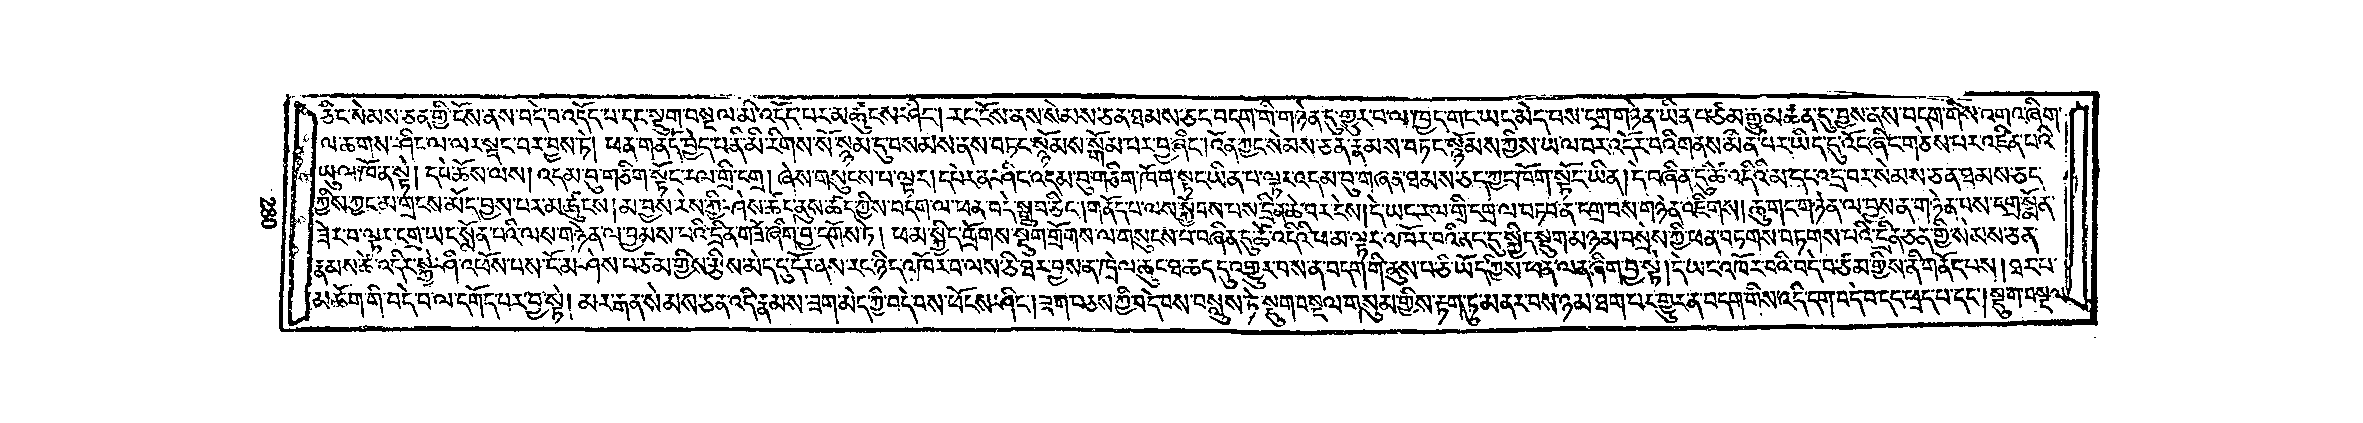ཅིང་སེམས་ཅན་གྱི་ངོས་ནས་བདེ་བ་འདོད་པ་དང་སྡུག་བསྔལ་མི་འདོད་པར་མཚུངས་ཤིང་། རང་ངོས་ནས་སེམས་ཅན་ཐམས་ཅད་བདག་གི་གཉེན་དུ་གྱུར་པ་ལ་ཁྱད་གང་ཡང་མེད་པས་དགྲ་གཉེན་ཡིན་པ་ཙམ་རྒྱུ་མཚན་དུ་བྱས་ནས་བདག་གིས་འགའ་ཞིག་
ལ་ཆགས་ཤིང་ལ་ལར་སྡང་བར་བྱས་ཏེ། ཕན་གནོད་བྱེད་པ་ནི་མི་རིགས་སོ་སྙམ་དུ་བསམས་ནས་བཏང་སྙོམས་སྒོམ་པར་བྱ་ཞིང་། འོན་ཀྱང་སེམས་ཅན་རྣམས་བཏང་སྙོམས་ཀྱིས་ཡལ་བར་འདོར་བའི་གནས་མིན་པར་ཡིད་དུ་འོང་ཞིང་གཅེས་པར་འཛིན་པའི་
ཡུལ་ཁོ་ན་སྟེ། དཔེ་ཆོས་ལས། འདམ་བུ་གཅིག་སྟོང་རལ་གྲི་དགྲ། ཞེས་གསུངས་པ་ལྟར། དཔེར་ན་ཤིང་འདམ་བུ་གཅིག་ཁོག་སྟང་ཡིན་པ་ལྟར་འདམ་བུ་གཞན་ཐམས་ཅད་ཀྱང་ཁོག་སྟོང་ཡིན། དེ་བཞིན་དུ་ཚེ་འདིའི་མ་དང་འདྲ་བར་སེམས་ཅན་ཐམས་ཅད་
ཀྱིས་ཀྱང་མ་གྲངས་མོད་བྱས་པར་མཚུངས། མ་བྱས་རེས་ཀྱི་ཤེས་ཚད་ནུས་ཚད་ཀྱིས་བདག་ལ་ཕན་བདེ་སྒྲུབ་ཅིང་། གནོད་པ་ལས་སྐྱོབས་པས་དྲིན་ཆེ་བར་ངེས། དེ་ཡང་རལ་གྲི་དགྲ་ལ་བཏབ་ན་དགྲ་བས་གཉེན་འཇིགས། ཆུ་གང་གཉེན་ལ་བྱས་ན་གཉེན་པས་དགྲ་སྨོན་
ཟེར་བ་ལྟར་དགྲ་ཡང་སྨོན་པའི་ལས་གཉེན་ལ་བྱམས་པའི་དྲིན་གཟོ་ཞིག་བྱ་དགོས་ཏེ། ཕ་མ་སྐྱིད་གྲོགས་སྡུག་གྲོགས་ལ་གསུངས་པ་བཞིན་དུ་ཚེ་འདིའི་ཕ་མ་ལྟར་འཁོར་བའི་ནང་དུ་སྐྱིད་སྡུག་མཉམ་བསྲེས་ཀྱི་ཕན་བཏགས་བཏགས་པའི་དྲིན་ཅན་གྱི་སེམས་ཅན་
རྣམས་ཚེ་འདིར་སྐྱེ་ཤི་འཕོས་པས་ངོ་མ་ཤེས་པ་ཙམ་གྱིས་རྩིས་མེད་དུ་དོར་ནས་རང་ཉིད་འཁོར་བ་ལས་ཅི་ཐར་བྱས་ན་ཁྲེལ་ཆུང་ཐ་ཆད་དུ་འགྱུར་བས་ན་བདག་གི་ནུས་པ་ཅི་ཡོད་ཀྱིས་ཕན་ལན་ཞིག་བྱ་སྟེ། དེ་ཡང་འཁོར་བའི་བདེ་བ་ཙམ་གྱིས་ནི་གནོད་པས། ཐར་པ་
མཆོག་གི་བདེ་བ་ལ་དགོད་པར་བྱ་སྟེ། མར་རྒན་སེམས་ཅན་འདི་རྣམས་ཟག་མེད་ཀྱི་བདེ་བས་ཕོངས་ཤིང་། ཟག་བཅས་ཀྱི་བདེ་བས་བསླུས་ཏེ་སྡུག་བསྔལ་གསུམ་གྱིས་རྟག་ཏུ་མནར་བས་ཉམ་ཐག་པར་གྱུར་ན་བདག་གིས་འདི་དག་བདེ་བ་དང་ཕྲད་པ་དང་། སྡུག་བསྔལ་